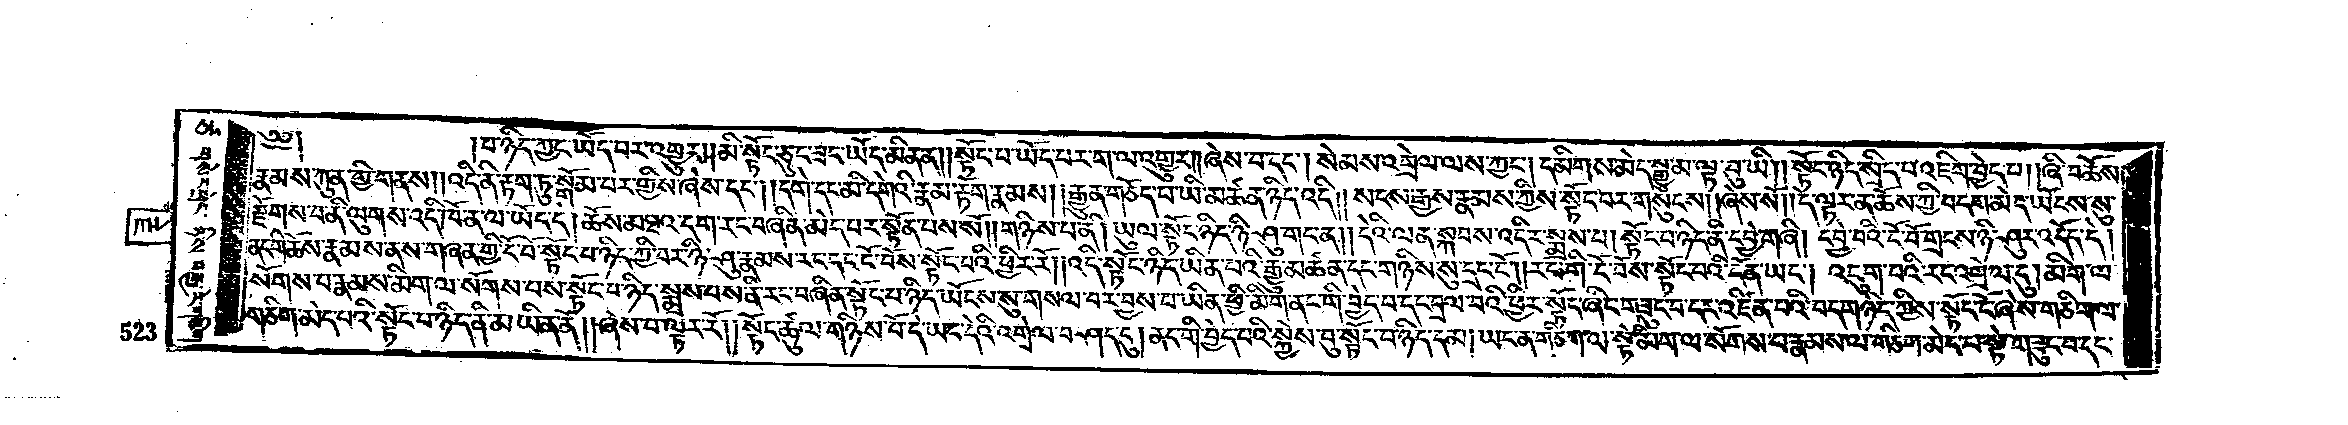༄༅། །པ་ཉིད་ཀྱང་ཡོད་པར་འགྱུར། །མི་སྟོང་ཅུང་ཟད་ཡོད་མིན་ན། །སྟོང་པ་ཡོད་པར་ག་ལ་འགྱུར། །ཞེས་པ་དང་། སེམས་འགྲེལ་ལས་ཀྱང་། དམིགས་མེད་སྒྱུ་མ་ལྟ་བུ་ཡི། །སྟོང་ཉིད་སྲིད་པ་འཇིག་བྱེད་པ། །ཞི་བ་ཆོས་
རྣམས་ཀུན་གྱི་གནས། །འདི་ནི་རྟག་ཏུ་སྒོམ་པར་གྱིས་ཞེས་དང་། །དགེ་དང་མི་དགེའི་རྣམ་རྟོག་རྣམས། །རྒྱུན་གཅོད་པ་ཡི་མཚན་ཉིད་འདི། །སངས་རྒྱས་རྣམས་ཀྱིས་སྟོང་པར་གསུངས། །ཞེས་སོ། །དེ་ལྟར་ན་ཆོས་ཀྱི་བདག་མེད་ཡོངས་སུ་
རྫོགས་པ་ནི་ལུགས་འདི་ཁོ་ན་ལ་ཡོད་དེ། ཆོས་མཐའ་དག་རང་བཞིན་མེད་པར་སྟོན་པས་སོ། །གཉིས་པ་ནི། ཡུལ་སྟོང་ཉིད་ཉི་ཤུ་གང་ན། །དེའི་ལན་སྐབས་འདིར་སྨྲས་པ། སྟོང་པ་ཉིད་ནི་དབྱེ་གཞི། དབྱེ་བའི་ངོ་བོ་གྲངས་ཉི་ཤུར་འདོད་དེ།
ནང་གི་ཆོས་རྣམས་ནས་གཞན་གྱི་ངོ་བོ་སྟོང་པ་ཉིད་ཀྱི་བར་ཉི་ཤུ་རྣམས་རང་དང་ངོ་བོས་སྟོང་པའི་ཕྱིར་རོ། །འདི་སྟོང་ཉིད་ཡིན་པའི་རྒྱུ་མཚན་དང་གཉིས་སུ་དྲང་ངོ། །རང་གི་ངོ་བོས་སྟོང་བའི་དོན་ཡང་། འཇུག་པའི་རང་འགྲེལ་དུ། མིག་ལ་
སོགས་པ་རྣམས་མིག་ལ་སོགས་པས་སྟོང་པ་ཉིད་སྨྲས་པས་ནི་རང་བཞིན་སྟོང་པ་ཉིད་ཡོངས་སུ་གསལ་བར་བྱས་པ་ཡིན་གྱི་མིག་ནང་གི་བྱེད་པ་དང་བྲལ་བའི་ཕྱིར་སྟོང་ཞིང་གཟུང་བ་དང་འཛིན་པའི་བདག་ཉིད་ཀྱིས་སྟོང་ངོ་ཞེས་གཅིག་ལ་
གཅིག་མེད་པའི་སྟོང་པ་ཉིད་ནི་མ་ཡིན་ནོ། །ཞེས་པ་ལྟར་རོ། །སྟོང་ཚུལ་གཉིས་པོ་དེ་ཡང་དེའི་འགྲེལ་བཤད་དུ། ནང་གི་བྱེད་པའི་སྐྱེས་བུ་སྟོང་པ་ཉིད་དམ། ཡང་ན་གཅིག་ལ་སྟེ་མིག་ལ་སོགས་པ་རྣམས་ལ་གཅིག་མེད་པ་སྟེ་གཟུང་བ་དང་